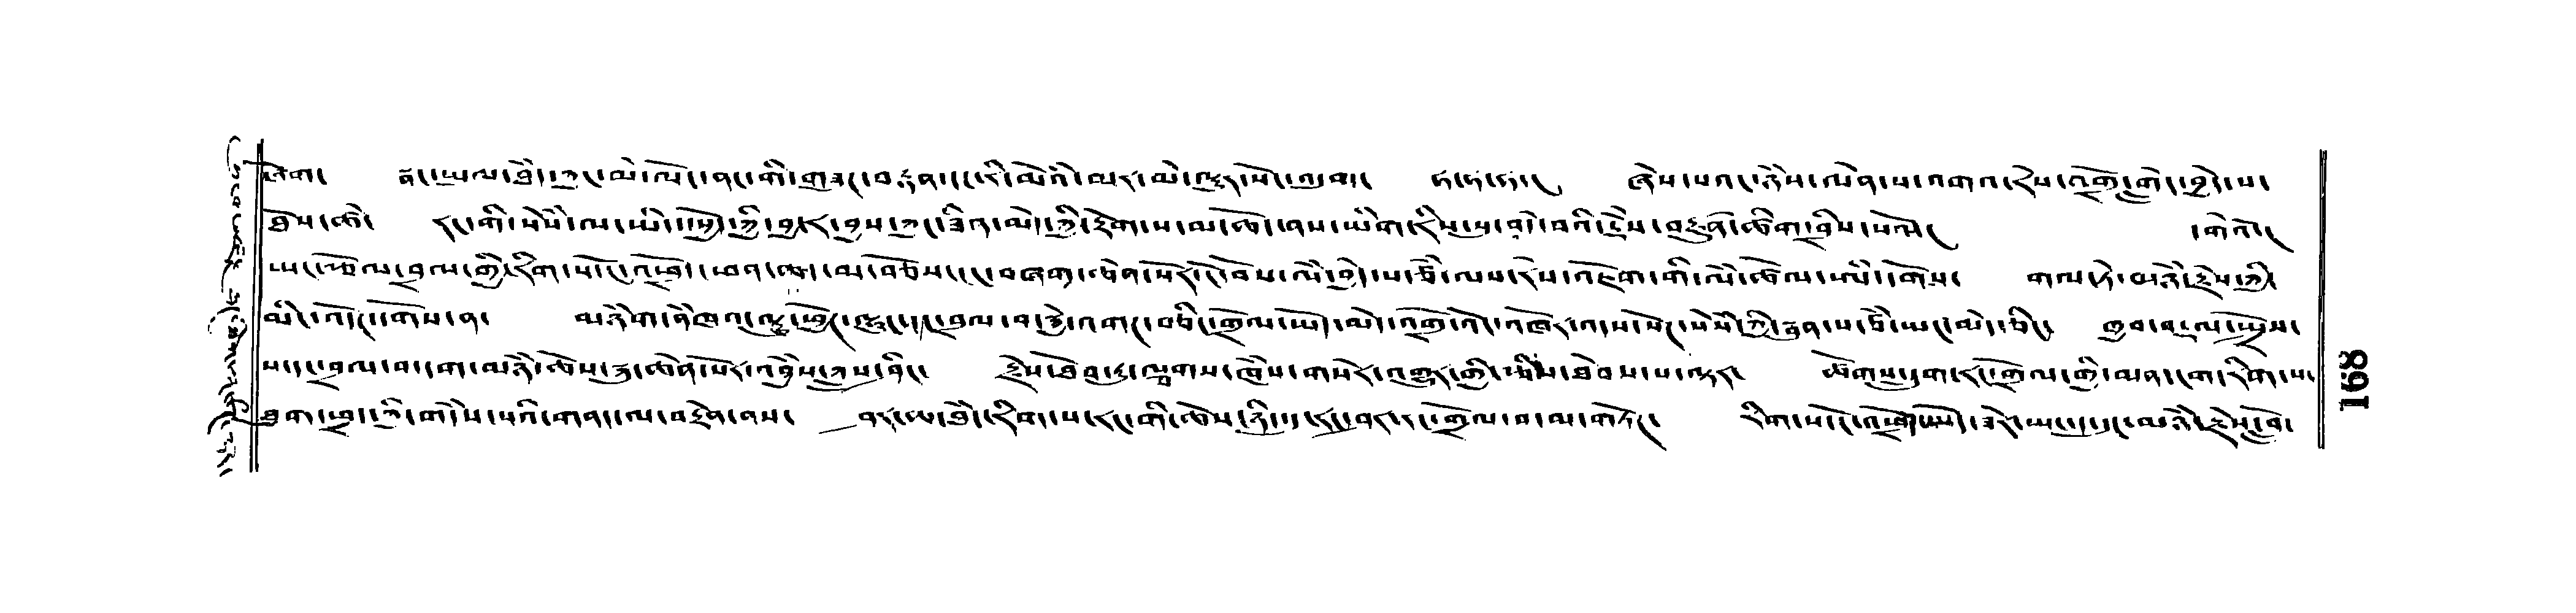ཞོག སྣང་ཡུལ་ཐམས་ཅད་ཀྱང་མེ་ལོང་ནང་གི་གཟུགས་བརྙན་དང་རི་མོའི་མར་མེ་ལྟ་བུར་སོང་འདུག ཧ་ཧ་ཧ། ཞེས་པའང་ཉམས་ལེན་པ་འགའ་རེས་འགྲོ་གླེང་བྱེད་པ་
ཐོས་ཚེ། རང་གི་སེམས་ལ་ཡིད་དཔྱོད་ཀྱི་བྱ་ར་བྱས་ཀྱང་ཟིན་མེད་ཀྱི་རྟོག་པ་མ་ཆོད་ནས་ཡིག་རིས་སུ་བདེ་བའི་རྡོ་རྗེས་བརྫུན་ཚིག་བྲིས་པའོ། དགེའོ། 
ཡང་རྩོལ་བྲལ་གྱི་རིག་པ་ངོ་འཕྲོད་ཕན་ཆད་མ་བཅོས་ངང་བཞག་ཆེན་པོར་ངོ་བོས་ལམ་བྱེད་པ་ཙམ་ལས་རེས་འཇོག་གི་ལམ་ཚོལ་ཨི་དགོས། གལ་ཏེ་མཉམ་རྗེས་ཀྱི་
མིང་འདོགས་དགོས་ན། མཉམ་གཞག་ནམ་མཁའ་ལྟ་བུ་ཕྱོགས་ལྷུང་དང་བྲལ་བ་སྐྱེ་འགག་བཅིང་གྲོལ་ཡོད་མེད་འགྲོ་འོང་འཁོར་འདས་སོགས་སེམས་ཀྱི་སྦུན་པ་ཙམ་ཡང་མེད་ཅིང་། ཁྱབ་བརྡལ་སྤྲོས་
པ་དང་བྲལ་བ་དག་མཉམ་ཆོས་སྐུ་ཆེན་པོར་འབྱམས་ཀླས་ཤིང་། རྗེས་ཐོབ་ཏུ་ལྕགས་ཁམས་གསེར་འགྱུར་གྱི་རྩིས་ཐེབས་པ་ལྟར། ཚོགས་དྲུག་རང་གྲོལ་གྱི་མན་ངག་རིག་པ་
ཐུག་ཕྲད་ཀྱི་གདམས་པའི་གནད་ལ་བརྟེན་ནས། ཤར་ཆ་ཐམས་ཅད་རིག་པ་རང་གི་ཆོས་ཉིད་དུ་རང་ཤར་རང་གྲོལ་བ་མ་གཏོགས། རིག་པ་ངོ་འཕྲོད་ཡོད་ཟེར་ཡང་ད་དུང་མཉམ་རྗེས་བློ་